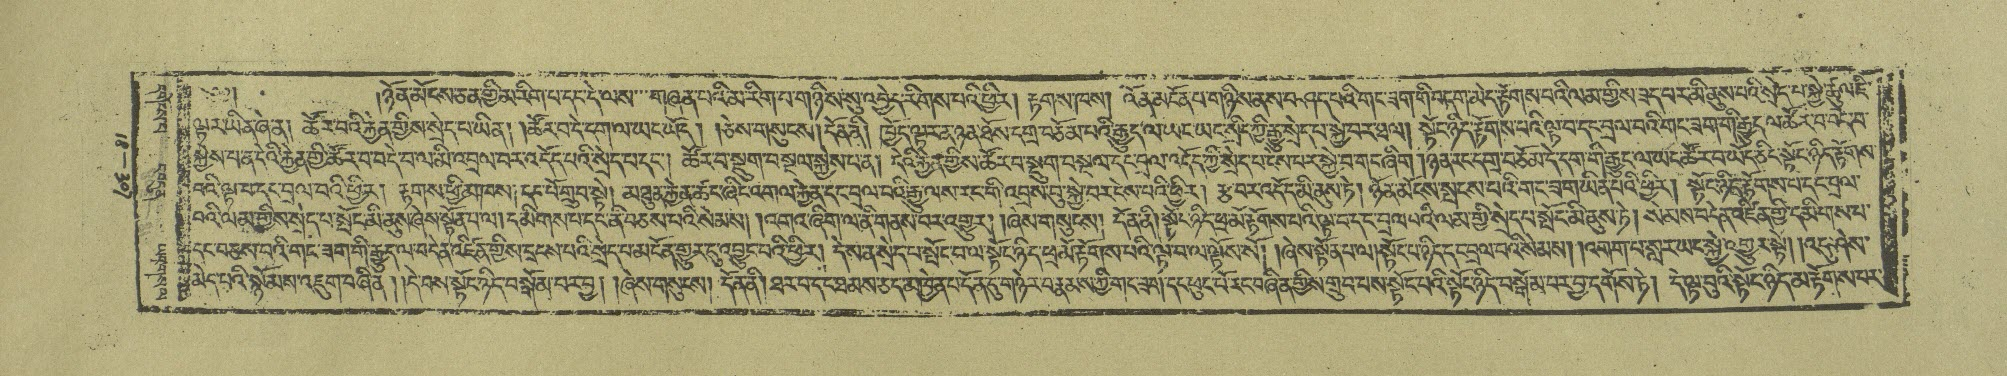༄༅། །ཉོན་མོངས་ཅན་གྱི་མ་རིག་པ་དང་དེ་ལས་གཞན་པའི་མ་རིག་པ་གཉིས་སུ་འབྱེད་རིགས་པའི་ཕྱིར། རྟགས་ཁས། འོ་ན་མངོན་པ་གཉིས་ནས་བཤད་པའི་གང་ཟག་གི་བདག་མེད་རྟོགས་པའི་ལམ་གྱིས་ཟད་པར་མི་ནུས་པའི་སྲིད་པ་སྐྱེ་ཚུལ་
ལྟར་ཡིན་ཞེ་ན། ཚོར་བའི་རྐྱེན་གྱིས་སྲེད་པ་ཡིན། །ཚོར་བ་དེ་དག་ལ་ཡང་ཡོད། །ཅེས་གསུངས། དོན་ནི། ཁྱོད་ལྟར་ན་ཉན་ཐོས་དགྲ་བཅོམ་པའི་རྒྱུད་ལ་ཡང་ཡང་སྲིད་ཀྱི་རྒྱུ་སྲེད་པ་སྐྱེ་བར་ཐལ། སྟོང་ཉིད་རྟོགས་པའི་ལྟ་བ་དང་བྲལ་བའི་གང་ཟག་གི་རྒྱུད་ལ་ཚོར་བ་བདེ་བ་
སྐྱེས་པ་ན་དེའི་རྐྱེན་གྱི་ཚོར་བ་བདེ་བ་ལ་མི་འབྲལ་བར་འདོད་པའི་སྲེད་པ་དང་། ཚོར་བ་སྡུག་བསྔལ་སྐྱེས་པ་ན། དེའི་རྐྱེན་གྱིས་ཚོར་བ་སྡུག་བསྔལ་དང་བྲལ་འདོད་ཀྱི་སྲེད་པ་ངེས་པར་སྐྱེ་བ་གང་ཞིག །ཉན་རང་དགྲ་བཅོམ་དེ་དག་གི་རྒྱུད་ལ་ཡང་ཚོར་བ་ཡོད་ཅིང་སྟོང་ཉིད་རྟོགས་
བའི་ལྟ་བ་དང་བྲལ་བའི་ཕྱིར། རྟགས་ཕྱི་མ་ཁས། དང་པོ་གྲུབ་སྟེ། མཐུན་རྐྱེན་ཚང་ཞིང་འགལ་རྐྱེན་དང་བྲལ་བའི་རྒྱུ་ལས་རང་གི་འབྲས་བུ་སྐྱེ་བར་ངེས་པའི་ཕྱིར། རྩ་བར་འདོད་མི་ནུས་ཏེ། ཉོན་མོངས་སྤངས་པའི་གང་ཟག་ཡིན་པའི་ཕྱིར། སྟོང་ཉིད་རྟོགས་པ་དང་བྲལ་
བའི་ལམ་གྱིས་སྲེད་པ་སྤོང་མི་ནུས་ཞེས་སྟོན་པ་ལ། དམིགས་པ་དང་ནི་བཅས་པའི་སེམས། །འགའ་ཞིག་ལ་ནི་གནས་པར་འགྱུར། །ཞེས་གསུངས། དོན་ནི། སྟོང་ཉིད་ཕྲ་མོ་རྟོགས་པའི་ལྟ་བ་དང་བྲལ་བའི་ལམ་གྱི་སྲེད་པ་སྤོང་མི་ནུས་ཏེ། སེམས་བདེན་འཛིན་གྱི་དམིགས་པ་
དང་བཅས་པའི་གང་ཟག་གི་རྒྱུད་ལ་བདེན་འཛིན་གྱིས་དྲངས་བའི་སྲེད་པ་མངོན་གྱུར་དུ་འབྱུང་བའི་ཕྱིར། དེས་ན་སྲེད་པ་སྤོང་བ་ལ་སྟོང་ཉིད་ཕྲ་མོ་རྟོགས་པའི་ལྟ་བ་ལ་ལྟོས་སོ། །ཞེས་སྟོན་པ་ལ། སྟོང་བ་ཉིད་དང་བྲལ་བའི་སེམས། །འགག་པ་སླར་ཡང་སྐྱེ་འགྱུར་སྟེ། །འདུ་ཤེས་
མེད་པའི་སྙོམས་འཇུག་བཞིན། །དེ་བས་སྟོང་ཉིད་བསྡོམ་པར་བྱ། །ཞེས་གསུངས། དོན་ནི། ཐར་བ་དང་ཐམས་ཅད་མཁྱེན་པ་དོན་དུ་གཉེར་བ་རྣམས་ཀྱི་གང་ཟག་དང་ཕུང་པོ་རང་བཞིན་གྱིས་གྲུབ་པས་སྟོང་བའི་སྟོང་ཉིད་བསྒོམ་པར་བྱ་དགོས་ཏེ། དེ་ལྟ་བུའི་སྟོང་ཉིད་མ་རྟོགས་བར་